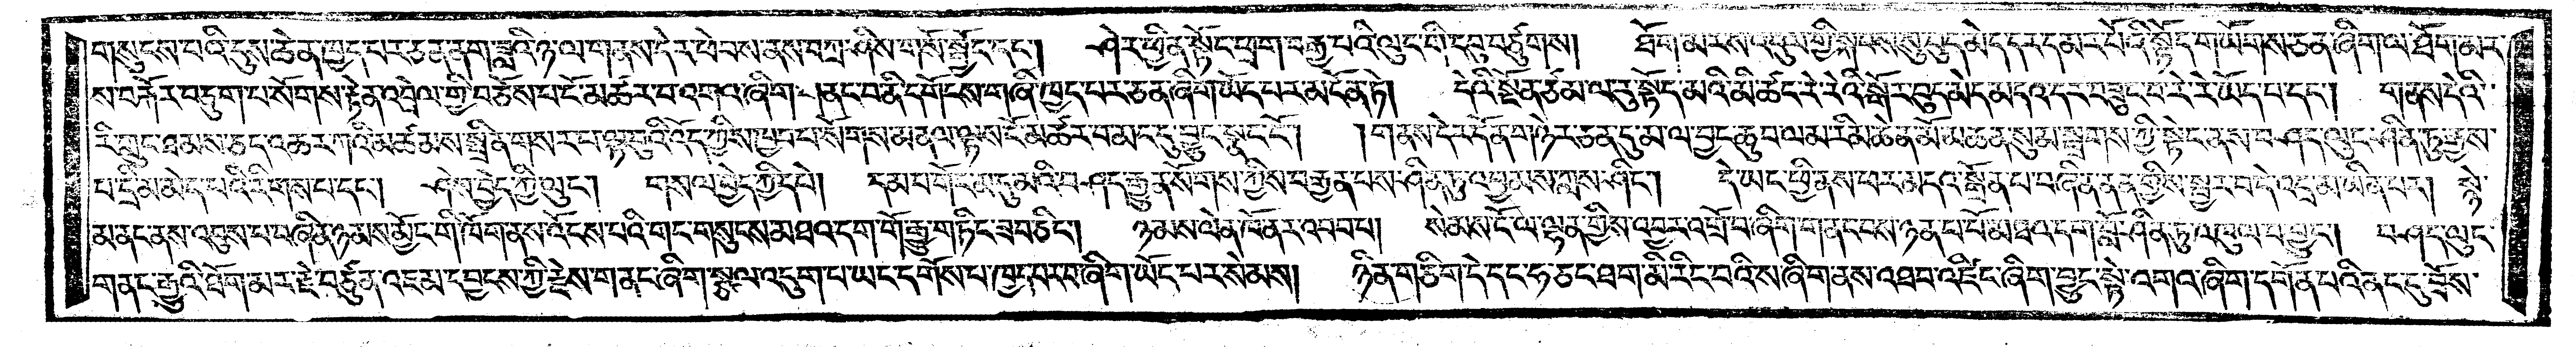གསུངས་བའི་དུས་ཆེན་ཁྱད་པར་ཅན་ནག་ཟླའི་ཉ་ལ་གནས་དེར་ཕེབས་ནས་བཀྲ་ཤིས་གསོ་སྦྱོང་དང་། ཤེར་ཕྱིན་སྟོང་ཕྲག་བརྒྱ་པའི་ལུང་གི་དབུ་བཙུགས། ཐོག་མར་ས་འདུལ་གྱི་སྐབས་སུ་བུད་མེད་དར་དམར་པོའི་སྟོད་གཡོགས་ཅན་ཞིག་ལ་ཐོག་མར་
ས་བརྐོར་བཅུག་པ་སོགས་རྟེན་འབྲེལ་གྱི་བཅོས་པ་ངོ་མཚར་བ་འགའ་ཞིག་གནང་བ་ནི་དགོངས་གཞི་ཁྱད་པར་ཅན་ཞིག་ཡོད་པར་མངོན་ཏེ། དེའི་སྔོན་ཙམ་ལ་རུ་སྟོད་མའི་མི་ཚང་རེ་རེའི་སྒོར་བུད་མེད་མངའ་དར་བཟུང་བ་རེ་རེ་ཡོད་བ་དང་། གནས་དེའི་
རི་ཀླུང་ཐམས་ཅད་འཆར་ཀའི་མཚམས་སྤྲིན་གསར་བ་ལྟ་བུའི་འོད་ཀྱིས་ཁྱབ་པ་སོགས་མནལ་ལྟས་ངོ་མཚར་བ་མང་དུ་བྱུང་སྣང་ངོ། །གནས་དེར་དོན་གཉེར་ཅན་དུ་མ་ལ་བྱང་ཆུབ་ལམ་རིམ་ཆེན་མོ་མཆན་སུམ་སྦྲགས་ཀྱི་སྟེང་ནས་བཤད་ལུང་ཤིན་ཏུ་རྒྱས་
པ་དྲི་མ་མེད་པའི་རིགས་པ་དང་། ཤེས་བྱེད་ཀྱི་ལུང་། གསལ་བྱེད་ཀྱི་དཔེ། དམ་པ་གོང་མ་དུ་མའི་བཤད་རྒྱུན་སོགས་ཀྱིས་བརྒྱན་པས་ཤིན་ཏུ་འབྱམས་ཀླས་ཤིང་། དེ་ཡང་ཕྱི་ནས་ཕར་མདའ་སྒྲོན་པ་བཞིན་ནན་གྱིས་སྦྱར་བ་དེ་འདྲ་མ་ཡིན་པར། སྙེ་
མནང་ནས་འབུས་པ་བཞིན་ཉམས་མྱོང་གི་ཁོག་ནས་འོངས་པའི་གང་གསུངས་མཐའ་དག་གོ་རྒྱུ་གཏིང་ཟབ་ཅིང་། ཉམས་ལེན་ཁོ་ནར་འབབ་པ། སེམས་ངོ་ལ་ལྷན་གྱིས་འབྱར་འགྲོ་བ་ཞིག་གནང་བས་ཉན་པ་པོ་མཐའ་དག་བློ་ཤིན་ཏུ་འཁུལ་བ་བྱུང་། བཤད་ལུང་
གནང་རྒྱུའི་ཐོག་མར་རྗེ་བཙུན་འཇམ་དབྱངས་ཀྱི་རྗེས་གནང་ཞིག་སྩལ་འདུག་པ་ཡང་དགོས་པ་ཁྱད་པར་བ་ཞིག་ཡོད་པར་སེམས། ཉིན་གཅིག་དེ་དང་ཧ་ཅང་ཐག་མི་རིང་བའི་ས་ཞིག་ནས་འཐབ་འཛིང་ཞིག་བྱུང་སྟེ་འགའ་ཞིག་དགོན་པའི་ནང་དུ་བྲོས་